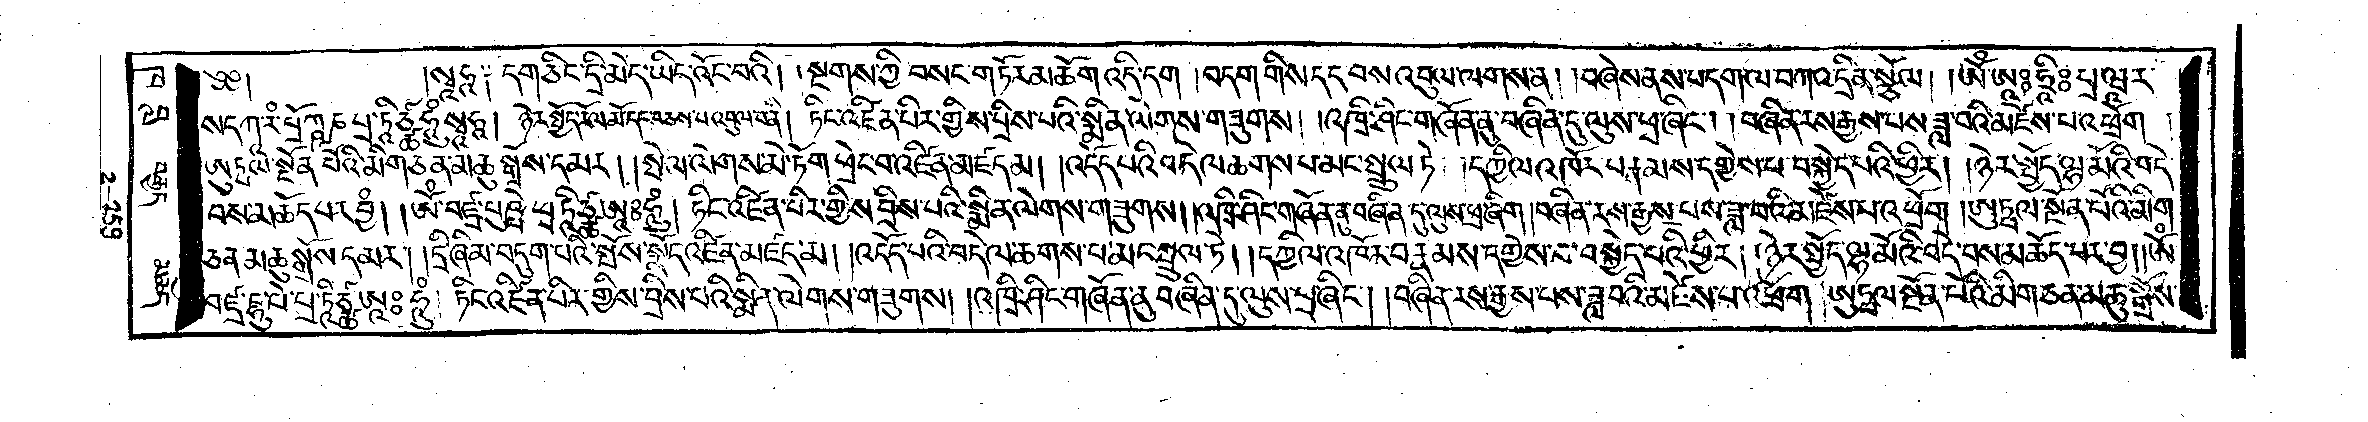༄༅། །སྭཱཧཱ༑ དག་ཅིང་དྲི་མེད་ཡིད་འོང་བའི། །སྔགས་ཀྱི་བསང་གཏོར་མཆོག་འདི་དག །བདག་གིས་དད་བས་འབུལ་ལགས་ན། །བཞེས་ནས་བདག་ལ་བཀའ་དྲིན་སྩོལ། །ཨོཾ་ཨཱ་ཧྲཱིཿ པྲ་ཝཱ་ར་
སད་ཀཱ་རཾ་པྲོ་ཀཥཎ་པྲ་ཏཱི་ཙྪ་ཧཱུཾ་སྭཱ་ཧཱ། ཉེར་སྤྱོད་རོལ་མོ་དང་བཅས་བ་འབུལ་བ་ནི། ཏིང་འཛིན་པིར་གྱིས་བྲིས་པའི་སྨིན་ལེགས་གཟུགས། །འཁྲི་ཤིང་གཞོན་ནུ་བཞིན་དུ་ལུས་ཕྲ་ཞིང་། །བཞིན་རས་རྒྱས་པས་ཟླ་བའི་མཛེས་པ་འཕྲོག །
ཨུཏྤལ་སྔོན་པོའི་མིག་ཅན་མཆུ་སྒྲོལ་མདར། །སྤེལ་ལེགས་མེ་ཏོག་ཕྲེང་བ་འཛིན་མཛད་མ། །འདོད་པའི་བདེ་ལ་ཆགས་པ་མང་སྤྲུལ་ཏེ། །དཀྱིལ་འཁོར་བ་རྣམས་དགྱེས་བ་བསྐྱེད་པའི་ཕྱིར། །ཉེར་སྤྱོད་ལྷ་མོའི་བདེ་
བས་མཆོད་བར་བྱཾ། །ཨོཾ་བཛྲ་པུཥྦ་ཕྲ་ཏཱིཙྪ་ཨཱཿཧཱུཾ། ཏིང་འཛིན་པིར་གྱིས་བྲིས་པའི་སྨིན་ལེགས་གཟུགས། །འཁྲི་ཤིང་གཞོན་ནུ་བཞིན་དུ་ལུས་ཕྲ་ཞིག །བཞིན་རས་རྒྱས་པས་ཟླ་བའི་མཛེས་པ་འཕྲོག །ཨུཏྤལ་སྔོན་པོའི་མིག་
ཅན་མཆུ་སྒྲོས་དམར། །དྲི་ཞིམ་བདུག་པའི་སྤོས་སྣོད་འཛིན་མཛད་མ། །འདོད་པའི་བདེ་ལ་ཆགས་བ་མང་སྤྲུལ་ཏེ། །དཀྱིལ་འཁོར་བ་རྣམས་དགྱེས་བ་བསྐྱེད་པའི་ཕྱིར། །ཉེར་སྤྱོད་ལྷ་མོའི་བདེ་བས་མཆོད་པར་བྱ། །ཨོཾ་
བཛྲ་བྷུ་བེ་པྲ་ཏཱིཙྪཱཿ ཧཱུཾ། ཏིང་འཛིན་པིར་གྱིས་བྲིས་པའི་སྨིན་ལེགས་གཟུགས། །འཁྲི་ཤིང་གཞོན་ནུ་བཞིན་དུ་ལུས་ཕྲ་ཞིང་། །བཞིན་རས་རྒྱས་པས་ཟླ་བའི་མཛེས་པ་འཕྲོག །ཨུཏྤལ་སྔོན་པོའི་མིག་ཅན་མཚུ་སྒྲོས་